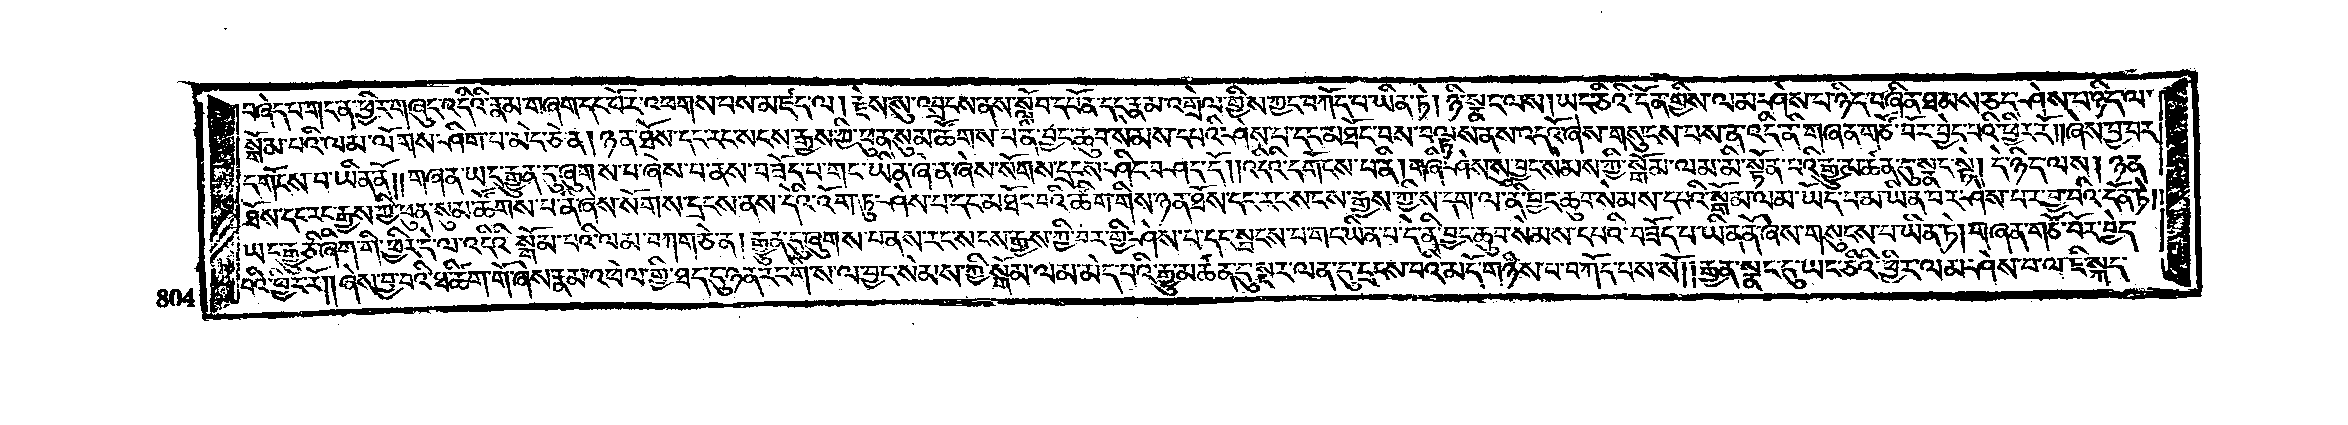བཞེད་པ་གང་ན་ཕྱིར་གཞུང་འདིའི་རྣམ་གཞག་དང་པོར་འཕགས་པས་མཛད་ལ། རྗེས་སུ་འབྲངས་ནས་སློབ་དཔོན་དང་རྣམ་འགྲེལ་གྱིས་ཀྱང་བཀོད་པ་ཡིན་ཏེ། ཉི་སྣང་ལས། ཡང་ཅིའི་དོན་གྱིས་ལམ་ཤེས་པ་ཉིད་བཞིན་ཐམས་ཅད་ཤེས་པ་ཉིད་ལ་
སྒོམ་པའི་ལམ་ལོགས་ཤིག་པ་མེད་ཅེ་ན། ཉན་ཐོས་དང་རང་སངས་རྒྱས་ཀྱི་ཕུན་སུམ་ཚོགས་པ་ནི་བྱང་ཆུབ་སེམས་དཔའི་ཤེས་པ་དང་མཐོང་བས་བལྟས་ནས་འདའོ་ཞེས་གསུངས་པས་ན་འདི་ནི་གཞན་གཙོ་བོར་བྱེད་པའི་ཕྱིར་རོ། །ཞེས་བྱ་བར་
དགོངས་པ་ཡིན་ནོ། །གཞན་ཡང་རྒྱུན་དུ་ཞུགས་པ་ཞེས་པ་ནས་བཟོད་པ་གང་ཡིན་ཞེ་ན་ཞེས་སོགས་དྲངས་ཤིང་བཤད་དོ། །འདིའི་དགོངས་པ་ནི། གཞི་ཤེས་སུ་བྱང་སེམས་ཀྱི་སྒོམ་ལམ་མི་སྟོན་པའི་རྒྱུ་མཚན་དུ་སྣང་སྟེ། དེ་ཉིད་ལས། ཉན་
ཐོས་དང་རང་རྒྱས་ཀྱི་ཕུན་སུམ་ཚོགས་པ་ནི་ཞེས་སོགས་དྲངས་ནས་དེའི་འོག་ཏུ་ཤེས་པ་དང་མཐོང་བའི་ཚིག་གིས་ཉན་ཐོས་དང་རང་སངས་རྒྱས་ཀྱི་ས་དག་ལ་ནི་བྱང་ཆུབ་སེམས་དཔའི་སྒོམ་ལམ་ཡོད་པ་མ་ཡིན་པར་ཤེས་པར་བྱ་བའི་དོན་ཏེ།
ཡང་རྒྱུན་ཞིག་གི་ཕྱིར་དེ་ལ་འདིའི་སྒོམ་པའི་ལམ་བཀག་ཅེ་ན། རྒྱུན་དུ་ཞུགས་པ་ནས་རང་སངས་རྒྱས་ཀྱི་བར་གྱི་ཤེས་པ་དང་སྤངས་པ་གང་ཡིན་པ་དེ་ནི་བྱང་ཆུབ་སེམས་དཔའི་བཟོད་པ་ཡིན་ནོ་ཞེས་གསུངས་པ་ཡིན་ཏེ། གཞན་གཙོ་བོར་བྱེད་
པའི་ཕྱིར་རོ། །ཞེས་བྱ་བའི་ཐ་ཚིག་གོ་ཞེས་རྣམ་འཕེལ་གྱི་ཐད་དུ་ཉན་རང་གི་ས་ལ་བྱང་སེམས་ཀྱི་སྒོམ་ལམ་མེད་པའི་རྒྱུ་མཚན་དུ་སྔར་ལན་དུ་དྲངས་པའི་མདོ་གཉིས་པ་བཀོད་པས་སོ། །རྒྱན་སྣང་དུ་ཡང་ཅིའི་ཕྱིར་ལམ་ཤེས་པ་ལ་ཇི་སྐད་